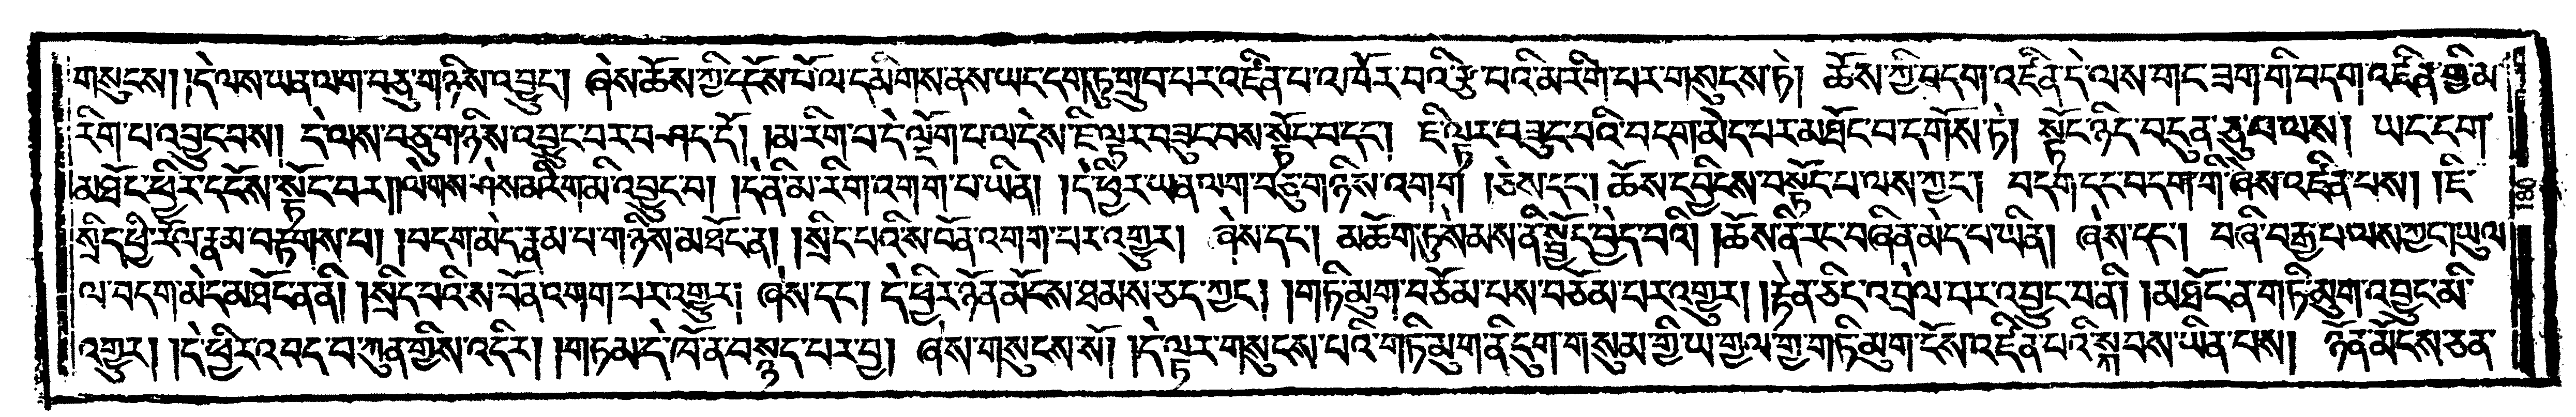གསུངས། །དེ་ལས་ཡང་ལག་བཅུ་གཉིས་འབྱུང་། ཞེས་ཆོས་ཀྱི་དངོས་པོ་ལ་དམིགས་ནས་ཡང་དག་ཏུ་གྲུབ་པར་འཛིན་པ་འཁོར་བའི་རྩ་བའི་མ་རིག་པར་གསུངས་ཏེ། ཆོས་ཀྱི་བདག་འཛིན་དེ་ལས་གང་ཟག་གི་བདག་འཛིན་གྱི་མ་
རིག་པ་འབྱུང་བས། དེ་ལས་བཅུ་གཉིས་འབྱུང་བར་བཤད་དོ། །མ་རིག་པ་དེ་ལྡོག་པ་ལ་དེས་ཇི་ལྟར་བཟུང་བས་སྟོང་པ་དང་། ཇི་ལྟར་བཟུང་བའི་བདག་མེད་པར་མཐོང་བ་དགོས་ཏེ། སྟེང་ཉིད་བདུན་ཅུ་པ་ལས། །ཡང་དག་
མཐོང་ཕྱིར་དངོས་སྟོང་བར། །ལེགས་ཤེས་མ་རིག་མི་འབྱུང་བ། །དེ་ནི་མ་རིག་འགག་པ་ཡིན། །དེ་ཕྱིར་ཡན་ལག་བཅུ་གཉིས་འགག །ཅེས་དང་། ཆོས་དབྱིངས་བསྟོད་པ་ལས་ཀྱང་། བདག་དང་བདག་གི་ཞེས་འཛིན་པས། །ཇི་
སྲིད་ཕྱི་རོལ་རྣམ་བརྟགས་པ། །བདག་མེད་རྣམ་པ་གཉིས་མཐོང་ན། །སྲིད་པའི་ས་བོན་འགག་པར་འགྱུར། ཞེས་དང་། མཆོག་ཏུ་སེམས་ནི་སྦྱོང་བྱེད་པའི། །ཆོས་ནི་རང་བཞིན་མེད་པ་ཡིན། ཞེས་དང་། བཞི་བརྒྱ་པ་ལས་ཀྱང་། ཡུལ་
ལ་བདག་མེད་མཐོང་ན་ནི། །སྲིད་པའི་ས་བོན་འགག་པར་འགྱུར། ཞེས་དང་། དེ་ཕྱིར་ཉོན་མོངས་ཐམས་ཅད་ཀྱང་། །གཏི་མུག་བཅོམ་པས་བཅོམ་པར་འགྱུར། །རྟེན་ཅིང་འབྲེལ་པར་འབྱུང་བ་ནི། །མཐོང་ན་གཏི་མུག་འབྱུང་མི་
འགྱུར། །དེ་ཕྱིར་འབད་པ་ཀུན་གྱིས་འདིར། །གཏམ་དེ་ཁོ་ན་བསྙད་པར་བྱ། ཞེས་གསུངས་སོ། །དེ་ལྟར་གསུངས་པའི་གཏི་མུག་ནི་དུག་གསུམ་གྱི་ཡ་གྱལ་གྱི་གཏི་མུག་ངོས་འཛིན་པའི་སྐབས་ཡིན་པས། ཉོན་མོངས་ཅན་